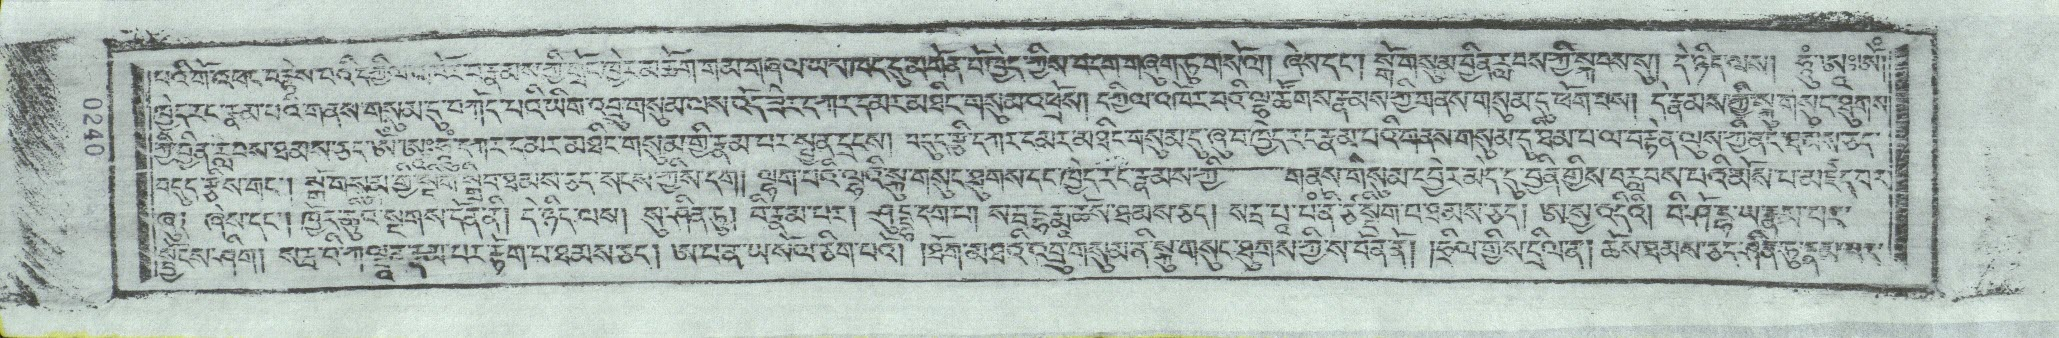པའི་གོ་འཕང་བརྙེས་པའི་དཀྱིལ་འཁོར་བ་རྣམས་ཀྱི་གྲོང་ཁྱེར་མཆོག་གམ་གཞལ་ཡས་ཁང་དུ་མགོན་པོ་ཁྱེད་ཀྱིས་བདག་གཞུག་ཏུ་གསོལ། ཞེས་དང་། སྒོ་གསུམ་བྱིན་རླབས་ཀྱི་སྐབས་སུ། དེ་ཉིད་ལས། ཧཱུཾ་ཨཱཿཨོཾ།
ཁྱེད་རང་རྣམ་པའི་གནས་གསུམ་དུ་བཀོད་པའི་ཡིག་འབྲུ་གསུམ་ལས་འོད་ཟེར་དཀར་དམར་མཐིང་གསུམ་འཕྲོས། དཀྱིལ་འཁོར་བའི་ལྷ་ཚོགས་རྣམས་ཀྱི་གནས་གསུམ་དུ་ཕོག་པས། དེ་རྣམས་ཀྱི་སྐུ་གསུང་ཐུགས་
ཀྱི་བྱིན་རླབས་ཐམས་ཅད་ཨོཾ་ཨཱཿཧཱུཾ་དཀར་དམར་མཐིང་གསུམ་གྱི་རྣམ་པར་སྤྱན་དྲངས། བདུད་རྩི་དཀར་དམར་མཐིང་གསུམ་དུ་ཞུ་བ་ཁྱེད་རང་རྣམ་པའི་གནས་གསུམ་དུ་ཐིམ་པ་ལ་བརྟེན་ལུས་ཀྱི་ནང་ཐམས་ཅད་
བདུད་རྩིས་གང་། སྒོ་གསུམ་གྱི་སྡིག་སྒྲིབ་ཐམས་ཅད་སངས་ཀྱིས་དག། ལྷག་པའི་ལྷའི་སྐུ་གསུང་ཐུགས་དང་ཁྱེད་རང་རྣམས་ཀྱི་གནས་གསུམ་དབྱེར་མེད་དུ་བྱིན་གྱིས་བརླབས་པའི་མོས་པ་མཛད་པར་
ཞུ༑ ཞེས་དང་། ཁྱོར་ཆུའི་སྔགས་དོན་ནི། དེ་ཉིད་ལས། སུ་ཤིན་ཏུ། བི་རྣམ་པར། ཤུདྡྷ་དག་པ། སརྦ་དྷརྨཱ་ཆོས་ཐམས་ཅད། སརྦ་པཱ་པཾ་ནི་ཙ་སྡིག་པ་ཐམས་ཅད། ཨ་སྱ་འདིའི། བི་ཤོ་དྷ་ཡ་རྣམ་པར་
སྦྱོངས་ཤིག། སརྦ་བི་ཀལྦཱན་རྣམ་པར་རྟོག་པ་ཐམས་ཅད། ཨ་པ་ན་ཡ་སོལ་ཅིག་པའོ། །ཐོག་མཐའི་འབྲུ་གསུམ་ནི་སྐུ་གསུང་ཐུགས་ཀྱི་ས་བོན་ནོ། །ཧྲིལ་གྱིས་དྲིལ་ན། ཆོས་ཐམས་ཅད་ཤིན་ཏུ་རྣམ་པར་